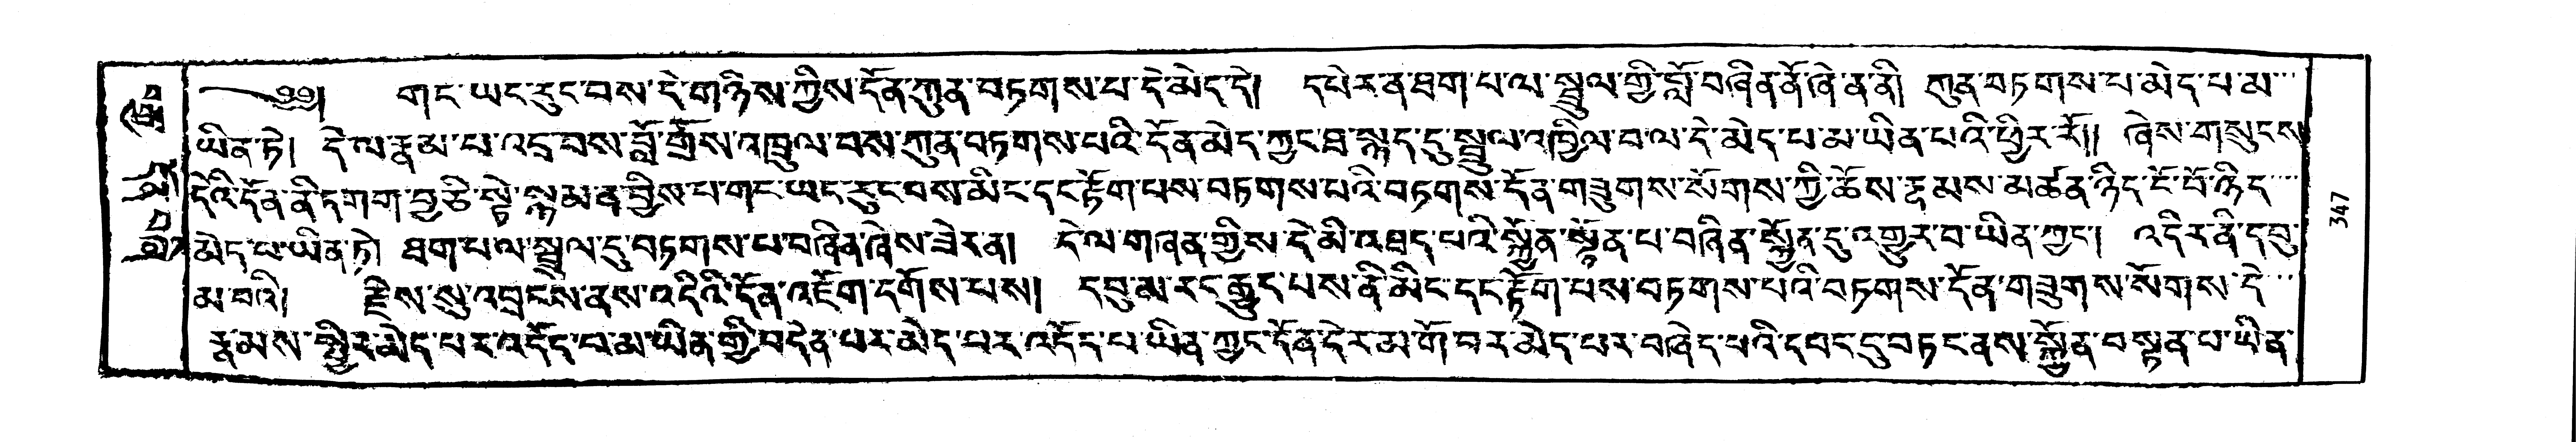༄༅། གང་ཡང་རུང་བས་དེ་གཉིས་ཀྱིས་དོན་ཀུན་བཏགས་པ་དེ་མེད་དེ། དཔེར་ན་ཐག་པ་ལ་སྦྲུལ་གྱི་བློ་བཞིན་ནོ་ཞེ་ན་ནི། ཀུན་བཏགས་པ་མེད་པ་མ་
ཡིན་ཏེ། དེ་ལ་རྣམ་པ་འདྲ་བས་བློ་གྲོས་འཁྲུལ་བས་ཀུན་བཏགས་པའི་དོན་མེད་ཀྱང་ཐ་སྙད་དུ་སྦྲུལ་འཁྱིལ་བ་ལ་དེ་མེད་པ་མ་ཡིན་པའི་ཕྱིར་རོ། །ཞེས་གསུངས་
དེའི་དོན་ནི་དགག་བྱ་ཅི་སྟེ་སྙམ་ན་བྱིས་པ་གང་ཡང་རུང་བས་མིང་དང་རྟོག་པས་བཏགས་པའི་བཏགས་དོན་གཟུགས་སོགས་ཀྱི་ཆོས་རྣམས་མཚན་ཉིད་ངོ་བོ་ཉིད་
མེད་པ་ཡིན་ཏེ། ཐག་པ་ལ་སྦྲུལ་དུ་བཏགས་པ་བཞིན་ཞེས་ཟེར་ན། དེ་ལ་གཞན་གྱིས་དེ་མི་འཐད་པའི་སྐྱོན་སྙོན་པ་བཞིན་སྐྱོན་དུ་འགྱུར་བ་ཡིན་ཀྱང་། འདིར་ནི་དབུ་
མ་བའི། རྗེས་སུ་འབྲངས་ནས་འདིའི་དོན་འཇོག་དགོས་པས། དབུ་མ་རང་རྒྱུད་པས་ནི་མིང་དང་རྟོག་པས་བཏགས་པའི་བཏགས་དོན་གཟུགས་སོགས་དེ་
རྣམས་སྤྱིར་མེད་པར་འདོད་པ་མ་ཡིན་གྱི་བདེན་པར་མེད་པར་འདོད་པ་ཡིན་ཀྱང་དོན་དེར་མ་གོ་བར་མེད་པར་བཞེད་པའི་དབང་དུ་བཏང་ནས་སྐྱོན་བསྟན་པ་ཡིན་